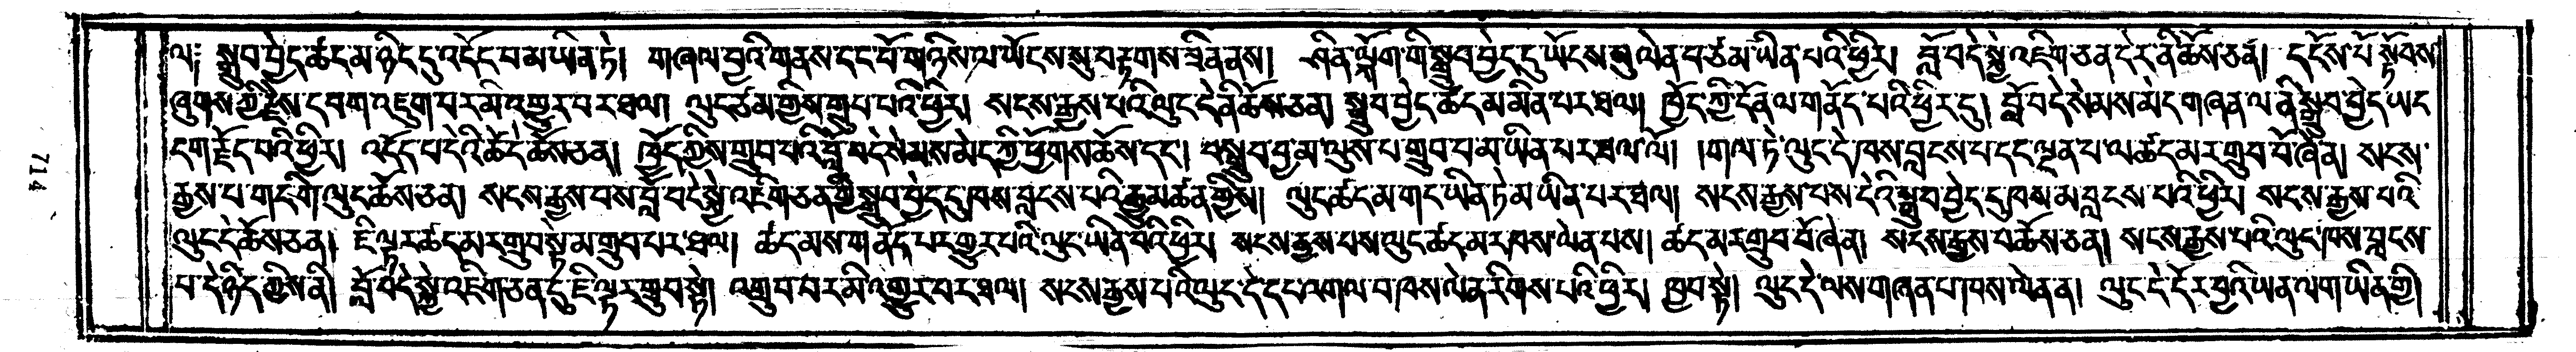ལ༑ སྒྲུབ་བྱེད་ཚད་མ་ཉིད་དུ་འདོད་པ་མ་ཡིན་ཏེ། གཞལ་བྱའི་གནས་དང་པོ་གཉིས་ལ་ཡོངས་སུ་བརྟགས་ཟིན་ནས། ཤིན་ལྐོག་གི་སྒྲུབ་བྱེད་དུ་ཡོངས་སུ་ལེན་པ་ཙམ་ཡིན་པའི་ཕྱིར། བློ་བདེ་སྐྱེ་འཇིག་ཅན་དེར་ནི་ཆོས་ཅན། དངོས་པོ་སྟོབས་
ཞུགས་ཀྱི་རྗེས་དབག་འཇུག་པར་མི་འགྱུར་བར་ཐལ། ལུང་ཙམ་གྱིས་གྲུབ་པའི་ཕྱིར། སངས་རྒྱས་པའི་ལུང་དེ་ནི་ཆོས་ཅན། སྒྲུབ་བྱེད་ཚད་མ་མིན་པར་ཐལ། ཁྱོད་ཀྱི་དོན་ལ་གནོད་པའི་ཕྱིར་དུ། བློ་བདེ་སེམས་མེད་གཞན་ལ་ནི་སྒྲུབ་བྱེད་ཡང་
དག་རྗོད་པའི་ཕྱིར། འདོད་པ་དེའི་ཆོ་དེ་ཆོས་ཅན། ཁྱོད་ཀྱིས་གྲུབ་པའི་བློ་བདེ་སེམས་མེད་ཀྱི་ཕྱོགས་ཆོས་དང་། བསྒྲུབ་བྱ་མ་ལུས་པ་གྲུབ་པ་མ་ཡིན་པར་ཐལ་ལོ། །གལ་ཏེ་ལུང་དེ་ཁས་བླངས་པ་དང་ལྔན་པ་ལ་ཚད་མར་གྲུབ་བོ་ཞེ་ན། སངས་
རྒྱས་པ་གང་གི་ལུང་ཆོས་ཅན། སངས་རྒྱས་པས་བློ་བདེ་སྐྱེ་འཇིག་ཅན་གྱི་སྒྲུབ་བྱེད་དུ་ཁས་བླངས་པའི་རྒྱུ་མཚན་གྱིས། ལུང་ཚད་མ་གང་ཡིན་ཏེ་མ་ཡིན་པར་ཐལ། སངས་རྒྱས་པས་དེའི་སྒྲུབ་བྱེད་དུ་ཁས་མ་བླངས་པའི་ཕྱིར། སངས་རྒྱས་པའི་
ལུང་དེ་ཆོས་ཅན། ཇི་ལྟར་ཚད་མར་གྲུབ་སྟེ་མ་གྲུབ་པར་ཐལ། ཚད་མས་གནོད་པར་གྱུར་པའི་ལུང་ཡིན་པའི་ཕྱིར། སངས་རྒྱས་པས་ལུང་ཚད་མར་ཁས་ལེན་པས། ཚད་མར་གྲུབ་པོ་ཞེ་ན། སངས་རྒྱས་པ་ཆོས་ཅན། སངས་རྒྱས་པའི་ལུང་ཁས་བླངས་
པ་དེ་ཉིད་ཀྱིས་ནི། བློ་བདེ་སྐྱེ་འཇིག་ཅན་དུ་ཇི་ལྟར་གྲུབ་སྟེ། འགྲུབ་པར་མི་འགྱུར་བར་ཐལ། སངས་རྒྱས་པའི་ལུང་དེ་དང་འགལ་བ་ཁས་ལེན་རིགས་པའི་ཕྱིར། ཁྱབ་སྟེ། ལུང་དེ་ལས་གཞན་པ་ཁས་ལེན་ན། ལུང་དེ་དོར་བྱའི་ཡན་ལག་ཡིན་གྱི།